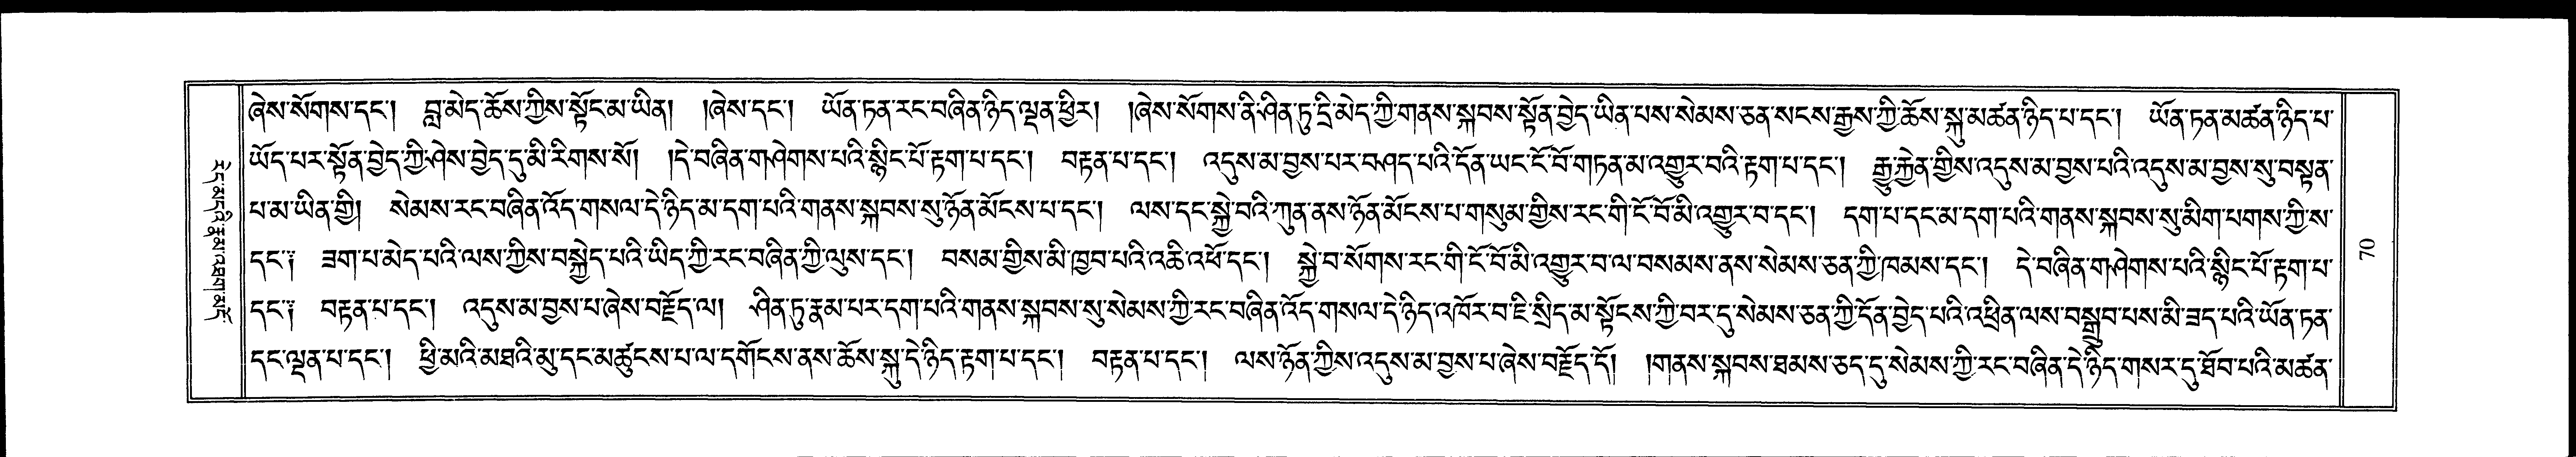ཞེས་སོགས་དང་། བླ་མེད་ཆོས་ཀྱིས་སྟོང་མ་ཡིན། །ཞེས་དང་། ཡོན་ཏན་རང་བཞིན་ཉིད་ལྡན་ཕྱིར། །ཞེས་སོགས་ནི་ཤིན་ཏུ་དྲི་མེད་ཀྱི་གནས་སྐབས་སྟོན་བྱེད་ཡིན་པས་སེམས་ཅན་སངས་རྒྱས་ཀྱི་ཆོས་སྐུ་མཚན་ཉིད་པ་དང་། ཡོན་ཏན་མཚན་ཉིད་པ་
ཡོད་པར་སྟོན་བྱེད་ཀྱི་ཤེས་བྱེད་དུ་མི་རིགས་སོ། །དེ་བཞིན་གཤེགས་པའི་སྙིང་པོ་རྟག་པ་དང་། བརྟན་པ་དང་། འདུས་མ་བྱས་པར་བཤད་པའི་དོན་ཡང་ངོ་བོ་གཏན་མ་འགྱུར་པའི་རྟག་པ་དང་། རྒྱུ་རྐྱེན་གྱིས་འདུས་མ་བྱས་པའི་འདུས་མ་བྱས་སུ་བསྟན་
པ་མ་ཡིན་གྱི། སེམས་རང་བཞིན་འོད་གསལ་དེ་ཉིད་མ་དག་པའི་གནས་སྐབས་སུ་ཉོན་མོངས་པ་དང་། ལས་དང་སྐྱེ་བའི་ཀུན་ནས་ཉོན་མོངས་པ་གསུམ་གྱིས་རང་གི་ངོ་བོ་མི་འགྱུར་པ་དང་། དག་པ་དང་མ་དག་པའི་གནས་སྐབས་སུ་མིག་པགས་ཀྱི་ས་
དང་། ཟག་པ་མེད་པའི་ལས་ཀྱིས་བསྐྱེད་པའི་ཡིད་ཀྱི་རང་བཞིན་ཀྱི་ལུས་དང་། བསམ་གྱི་མི་ཁྱབ་པའི་འཆི་འཕོ་དང་། སྐྱེ་བ་སོགས་རང་གི་ངོ་བོ་མི་འགྱུར་བ་ལ་བསམས་ནས་སེམས་ཅན་གྱི་ཁམས་དང་། དེ་བཞིན་གཤེགས་པའི་སྙིང་པོ་རྟག་པ་
དང་། བརྟན་པ་དང་། འདུས་མ་བྱས་པ་ཞེས་བརྗོད་ལ། ཤིན་ཏུ་རྣམ་པར་དག་པའི་གནས་སྐབས་སུ་སེམས་ཀྱི་རང་བཞིན་འོད་གསལ་དེ་ཉིད་འཁོར་བ་ཇི་སྲིད་མ་སྟོངས་ཀྱི་བར་དུ་སེམས་ཅན་ཀྱི་དོན་བྱེད་པའི་འཕྲིན་ལས་བསྒྲུབ་པས་མི་ཟད་པའི་ཡོན་ཏན་
དང་ལྡན་པ་དང་། ཕྱི་མའི་མཐའི་མུ་དང་མཚུངས་པ་ལ་དགོངས་ནས་ཆོས་སྐུ་དེ་ཉིད་རྟག་པ་དང་། བརྟན་པ་དང་། ལས་ཉོན་ཀྱིས་འདུས་མ་བྱས་པ་ཞེས་བརྗོད་དོ། །གནས་སྐབས་ཐམས་ཅད་དུ་སེམས་ཀྱི་རང་བཞིན་དེ་ཉིད་གསར་དུ་ཐོབ་པའི་མཚན་